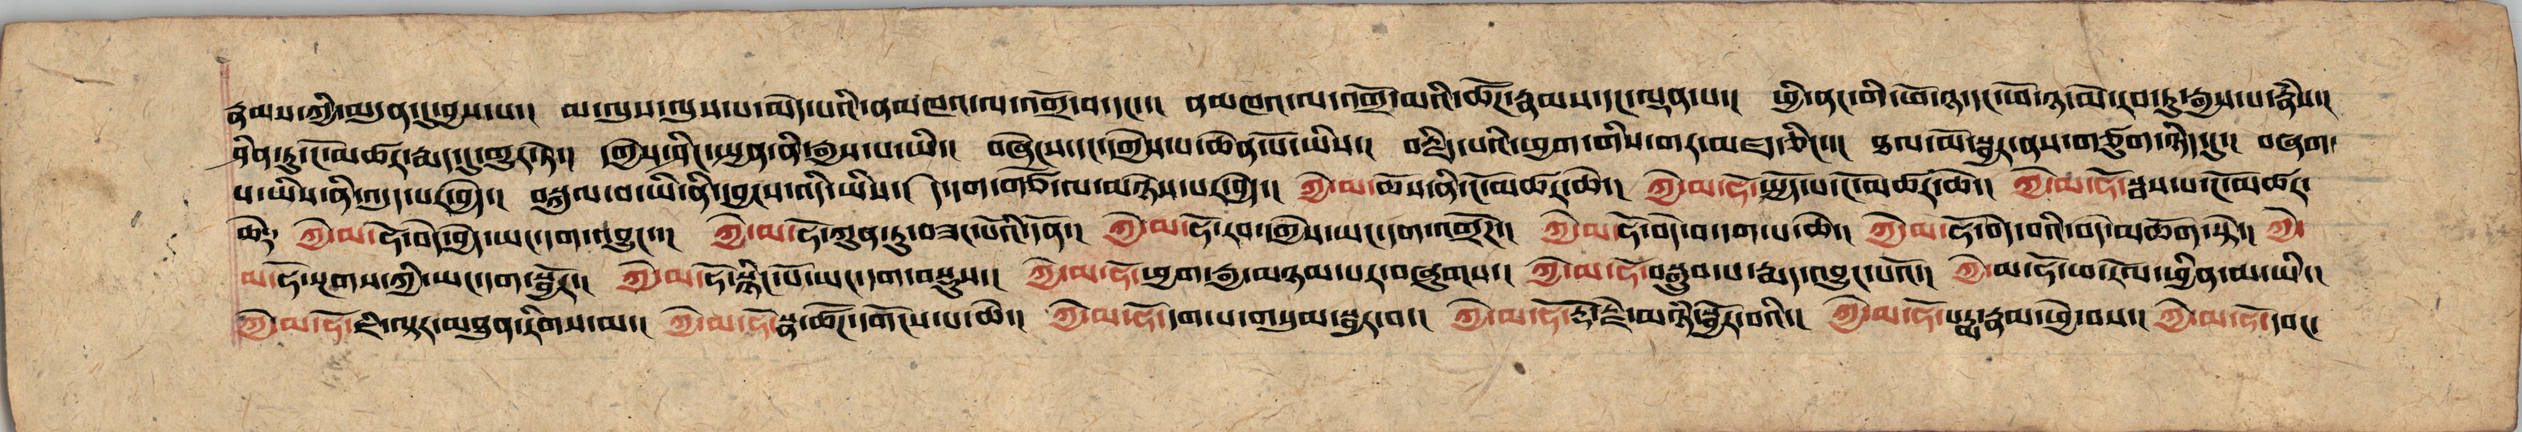རྣམས་ཀྱི་མདུན་དུ་བྱས་པ་། མ་ལུས་ལུས་པ་མེད་པའི་ནམཁའ་ལ་འགྲོ་བ་དང་་། ནམཁའ་ལ་འགྲོ་མའི་ཚོཌ་རྣམས་དང་ལྡན་པ་། ཕྱི་ནང་གི་ཕོ་ཉ་དང་ཕོ་ཉ་མོ་རབ་ཏུ་རྒྱས་པ་རྣཾས་།
ཤིན་ཏུ་ངོ་མཚར་རྨད་དུ་གྱུར་ཏེ་། དགྱེས་ཤིང་སྤྱན་ནི་རྒྱས་པ་ཡི་། བཞེངས་དང་དགྱེས་པ་ཆེན་པོ་ཡིས་། བརྗིད་པའི་ཕྱག་གིས་གར་མཛད་ཅིང་་། ཐལ་མོ་སྦྱར་ནས་གཙུག་ཉིད་དུ་། བཞག་
པ་ཡིས་ནི་འདུད་པར་བྱེད་། བསྐུལ་བ་ཡི་ནི་དབྱངས་འདི་ཡིས་། དེ་དག་གཙོ་ལ་མཉེས་པར་བྱེད་། ཀྱེ་མ་ཆོས་ནི་ངོ་མཚར་ཆེ་། ཀྱེ་མ་ཧོ་སྤྱོད་པ་ངོ་མཚར་ཆེ་། ཀྱེ་མ་ཧོ་སྦས་པ་ངོ་མཚར་
ཆེ༑ ཀྱེ་མ་ཧོ་བདེ་བྱེད་ཡང་དག་འབྱུང་་། ཀྱེ་མ་ཧོ་ཀུན་ཏུ་བཟང་པོའི་དོན་། ཀྱེ་མ་ཧོ་རབ་དགྱེས་ཡང་དག་འགྲོཌ་། ཀྱེ་མ་ཧོ་བདེ་བ་དག་པ་ཆེ་། ཀྱེ་མ་ཧོ་བདེ་བའི་བདེ་མཆོག་སྟེ་། ཀྱེ་
མ་ཧོ་སྔགས་ཀྱི་ཡང་དག་སྦྱོར་། ཀྱེ་མ་ཧོ་སྙིང་པོ་ཡང་དག་བསྡུས་། ཀྱེ་མ་ཧོ་ཕྱག་རྒྱ་མཉམ་པར་བཞུགས་། ཀྱེ་མ་ཧོ་བསྒྲུབ་པ་རྨད་འབྱུང་པའོ་། ཀྱེ་མ་ཧོ་ཕ་རོལ་ཕྱིན་མ་ཡི་།
ཀྱེ་མ་ཧོ་ཇི་ལྟར་མཐུན་རིགས་མ་། ཀྱེ་མ་ཧོ་སྣ་ཚོཌ་དགོངས་པ་ཆེ་། ཀྱེ་མ་ཧོ་དག་པ་གསུམ་སྦྱར་བ་། ཀྱེ་མ་ཧོ་རྡོ་རྗེ་མཉཾ་སྦྱོར་བའི་། ཀྱེ་མ་ཧོ་པདྨ་རྣམ་ཕྱེ་བས་། ཀྱེ་མ་ཧོ་དབང་